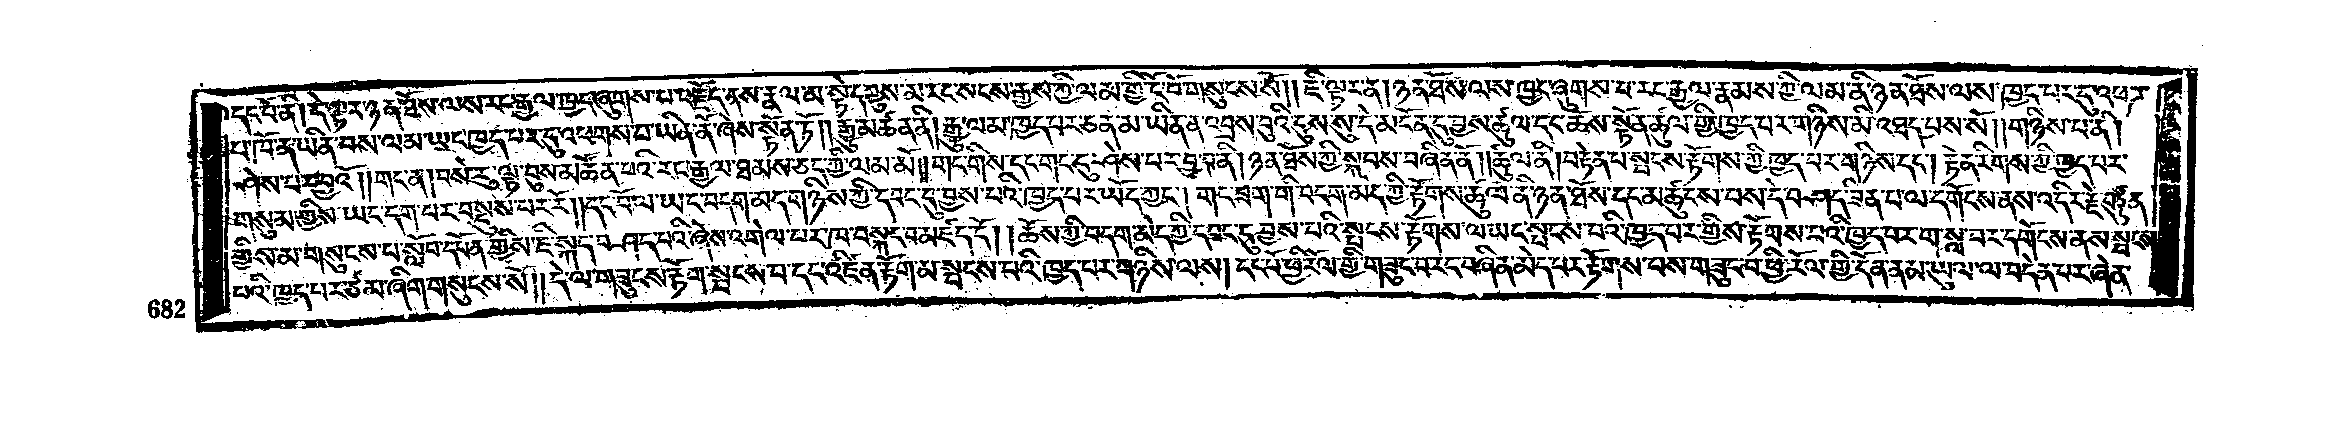དང་པོ་ནི། དེ་ལྟར་ཉན་ཐོས་ལས་རང་རྒྱལ་ཁྱད་ཞུགས་པ་བརྗོད་ནས་རྣལ་མ་སྟེ་དཀྱུས་མ་རང་སངས་རྒྱས་ཀྱི་ལམ་གྱི་ངོ་བོ་གསུངས་སོ། །ཇི་ལྟར་ན། ཉན་ཐོས་ལས་ཁྱད་ཞུགས་པ་རང་རྒྱལ་རྣམས་ཀྱི་ལམ་ནི་ཉན་ཐོས་ལས་ཁྱད་པར་དུ་འཕགས་
པ་ཁོ་ན་ཡིན་པས་ལམ་ཡང་ཁྱད་པར་དུ་འཕགས་པ་ཡིན་ནོ་ཞེས་སྟོན་ཏོ། །རྒྱུ་མཚན་ནི། རྒྱུ་ལམ་ཁྱད་པར་ཅན་མ་ཡིན་ན་འབྲས་བུའི་དུས་སུ་དེ་མངོན་དུ་བྱས་ཚུལ་དང་ཆོས་སྟོན་ཚུལ་གྱི་ཁྱད་པར་གཉིས་མི་འཐད་པས་སོ། །གཉིས་པ་ནི།
ཤེས་པར་བྱའོ། །གང་ན། བསེ་རུ་ལྟ་བུས་མཚོན་པའི་རང་རྒྱལ་ཐམས་ཅད་ཀྱི་ལམ་མོ། །གང་གིས་དང་གང་དུ་ཤེས་པར་བྱ་བ་ནི། ཉན་ཐོས་ཀྱི་སྐབས་བཞིན་ནོ། །ཚུལ་ནི། བརྟེན་པ་སྤངས་རྟོགས་ཀྱི་ཁྱད་པར་གཉིས་དང་། རྟེན་རིགས་ཀྱི་ཁྱད་པར་
གསུམ་གྱིས་ཡང་དག་པར་བསྡུས་པར་རོ། །དང་པོ་ལ་ཡང་བདག་མེད་གཉིས་ཀྱི་དབང་དུ་བྱས་པའི་ཁྱད་པར་ཡོད་ཀྱང་། གང་ཟག་གི་བདག་མེད་ཀྱི་རྟོགས་ཚུལ་ནི་ཉན་ཐོས་དང་མཚུངས་པས་དེ་བཤད་ཟིན་པ་ལ་དགོངས་ནས་འདིར་རྗེ་བཙུན་
གྱིས་མ་གསུངས་པ་སློབ་དཔོན་གྱིས་ཇི་སྐད་བཤད་པའི་ཞེས་འགྲེལ་པར་ཁ་བསྐང་བ་མཛད་དོ། །ཆོས་ཀྱི་བདག་མེད་ཀྱི་དབང་དུ་བྱས་པའི་སྤངས་རྟོགས་ལ་ཡང་སྤངས་པའི་ཁྱད་པར་གྱིས་རྟོགས་པའི་ཁྱད་པར་གོ་སླ་བར་དགོངས་ནས་སྤངས་
པའི་ཁྱད་པར་ཙམ་ཞིག་གསུངས་སོ། །དེ་ལ་གཟུངས་རྟོག་སྤངས་པ་དང་འཛིན་རྟོག་མ་སྤངས་པའི་ཁྱད་པར་གཉིས་ལས། དང་པོ་ཕྱི་རོལ་གྱི་གཟུང་བ་རང་བཞིན་མེད་པར་རྟོགས་པས་གཟུང་བ་ཕྱི་རོལ་གྱི་དོན་ནམ་ཡུལ་ལ་བདེན་པར་ཞེན་